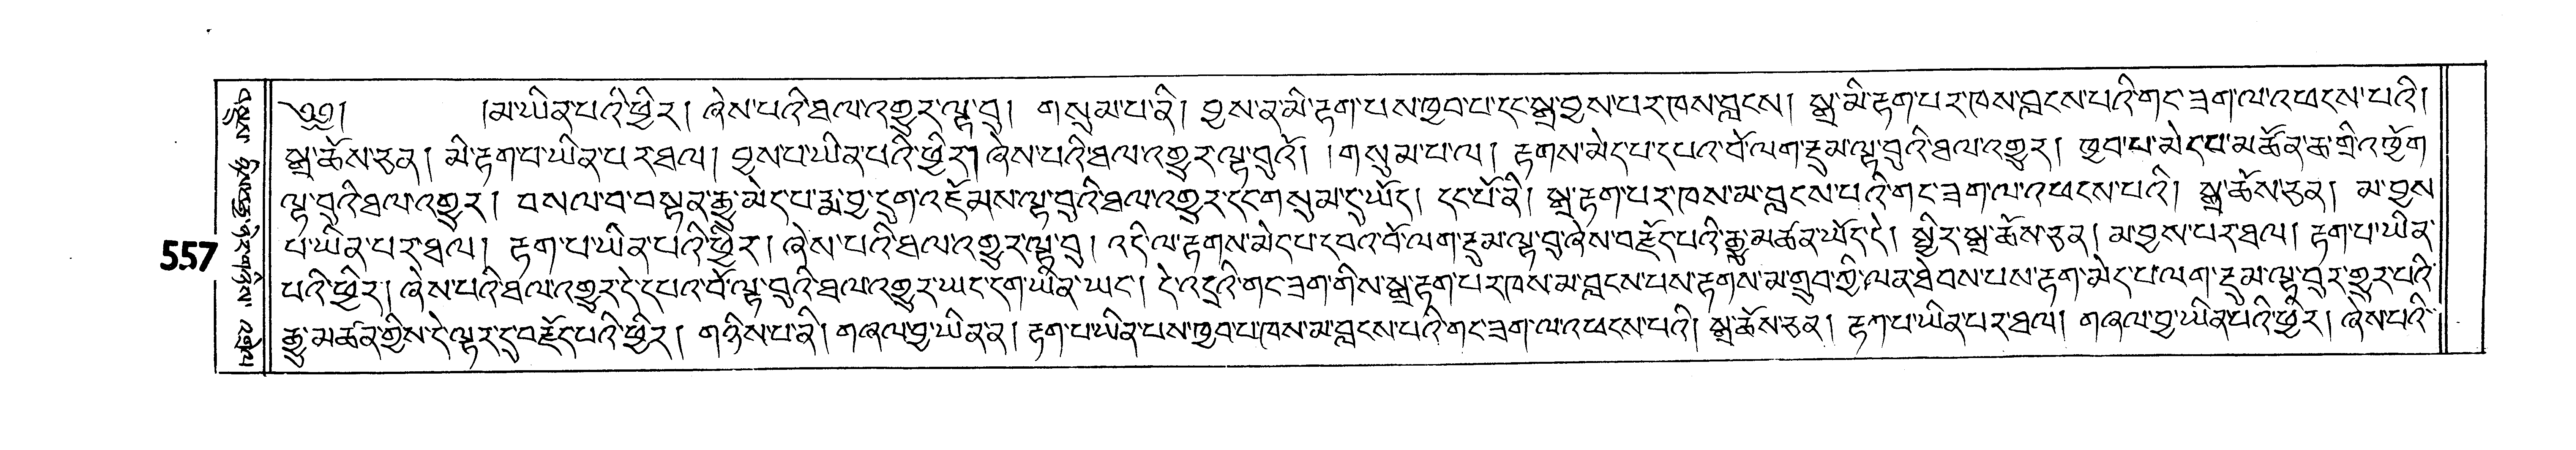༄༅། །མ་ཡིན་པའི་ཕྱིར། ཞེས་པའི་ཐལ་འགྱུར་ལྟ་བུ། གསུམ་པ་ནི། བྱས་ན་མི་རྟག་པས་ཁྱབ་པ་དང་སྒྲ་བྱས་པར་ཁས་བླངས། སྒྲ་མི་རྟག་པར་ཁས་བླངས་པའི་གང་ཟག་ལ་འཕངས་པའི།
སྒྲ་ཆོས་ཅན། མི་རྟག་པ་ཡིན་པར་ཐལ། བྱས་པ་ཡིན་པའི་ཕྱིར། ཞེས་པའི་ཐལ་འགྱུར་ལྟ་བུའོ། །གསུམ་པ་ལ། རྟགས་མེད་པ་དཔའ་བོ་ལག་རྡུམ་ལྟ་བུའི་ཐལ་འགྱུར། ཁྱབ་པ་མེད་པ་མཚོན་ཆ་གྲི་འཁྱོག་
ལྟ་བུའི་ཐལ་འགྱུར། བསལ་བ་བསྟན་རྒྱུ་མེད་པ་རྨ་བྱ་དྲུག་འཇོམས་ལྟ་བུའི་ཐལ་འགྱུར་དང་གསུམ་དུ་ཡོད། དང་པོ་ནི། སྒྲ་རྟག་པར་ཁས་མ་བླངས་པའི་གང་ཟག་ལ་འཕངས་པའི། སྒྲ་ཆོས་ཅན། མ་བྱས་
པ་ཡིན་པར་ཐལ། རྟག་པ་ཡིན་པའི་ཕྱིར། ཞེས་པའི་ཐལ་འགྱུར་ལྟ་བུ། འདི་ལ་རྟགས་མེད་པ་དཔའ་བོ་ལག་རྡུམ་ལྟ་བུ་ཞེས་བརྗོད་པའི་རྒྱུ་མཚན་ཡོད་དེ། སྤྱིར་སྒྲ་ཆོས་ཅན། མ་བྱས་པར་ཐལ། རྟག་པ་ཡིན་
པའི་ཕྱིར། ཞེས་པའི་ཐལ་འགྱུར་དེ་དཔའ་བོ་ལྟ་བུའི་ཐལ་འགྱུར་ཡང་དག་ཡིན་ཡང་། དེ་འདྲའི་གང་ཟག་གིས་སྒྲ་རྟག་པར་ཁས་མ་བླངས་པས་རྟགས་མ་གྲུབ་ཀྱི་ལན་ཐེབས་པས་རྟག་མེད་པ་ལག་རྡུམ་ལྟ་བུར་གྱུར་པའི་
རྒྱུ་མཚན་གྱིས་དེ་ལྟར་དུ་བརྗོད་པའི་ཕྱིར། གཉིས་པ་ནི། གཞལ་བྱ་ཡིན་ན། རྟག་པ་ཡིན་པས་ཁྱབ་པ་ཁས་མ་བླངས་པའི་གང་ཟག་ལ་འཕངས་པའི། སྒྲ་ཆོས་ཅན། རྟག་པ་ཡིན་པར་ཐལ། གཞལ་བྱ་ཡིན་པའི་ཕྱིར། ཞེས་པའི་